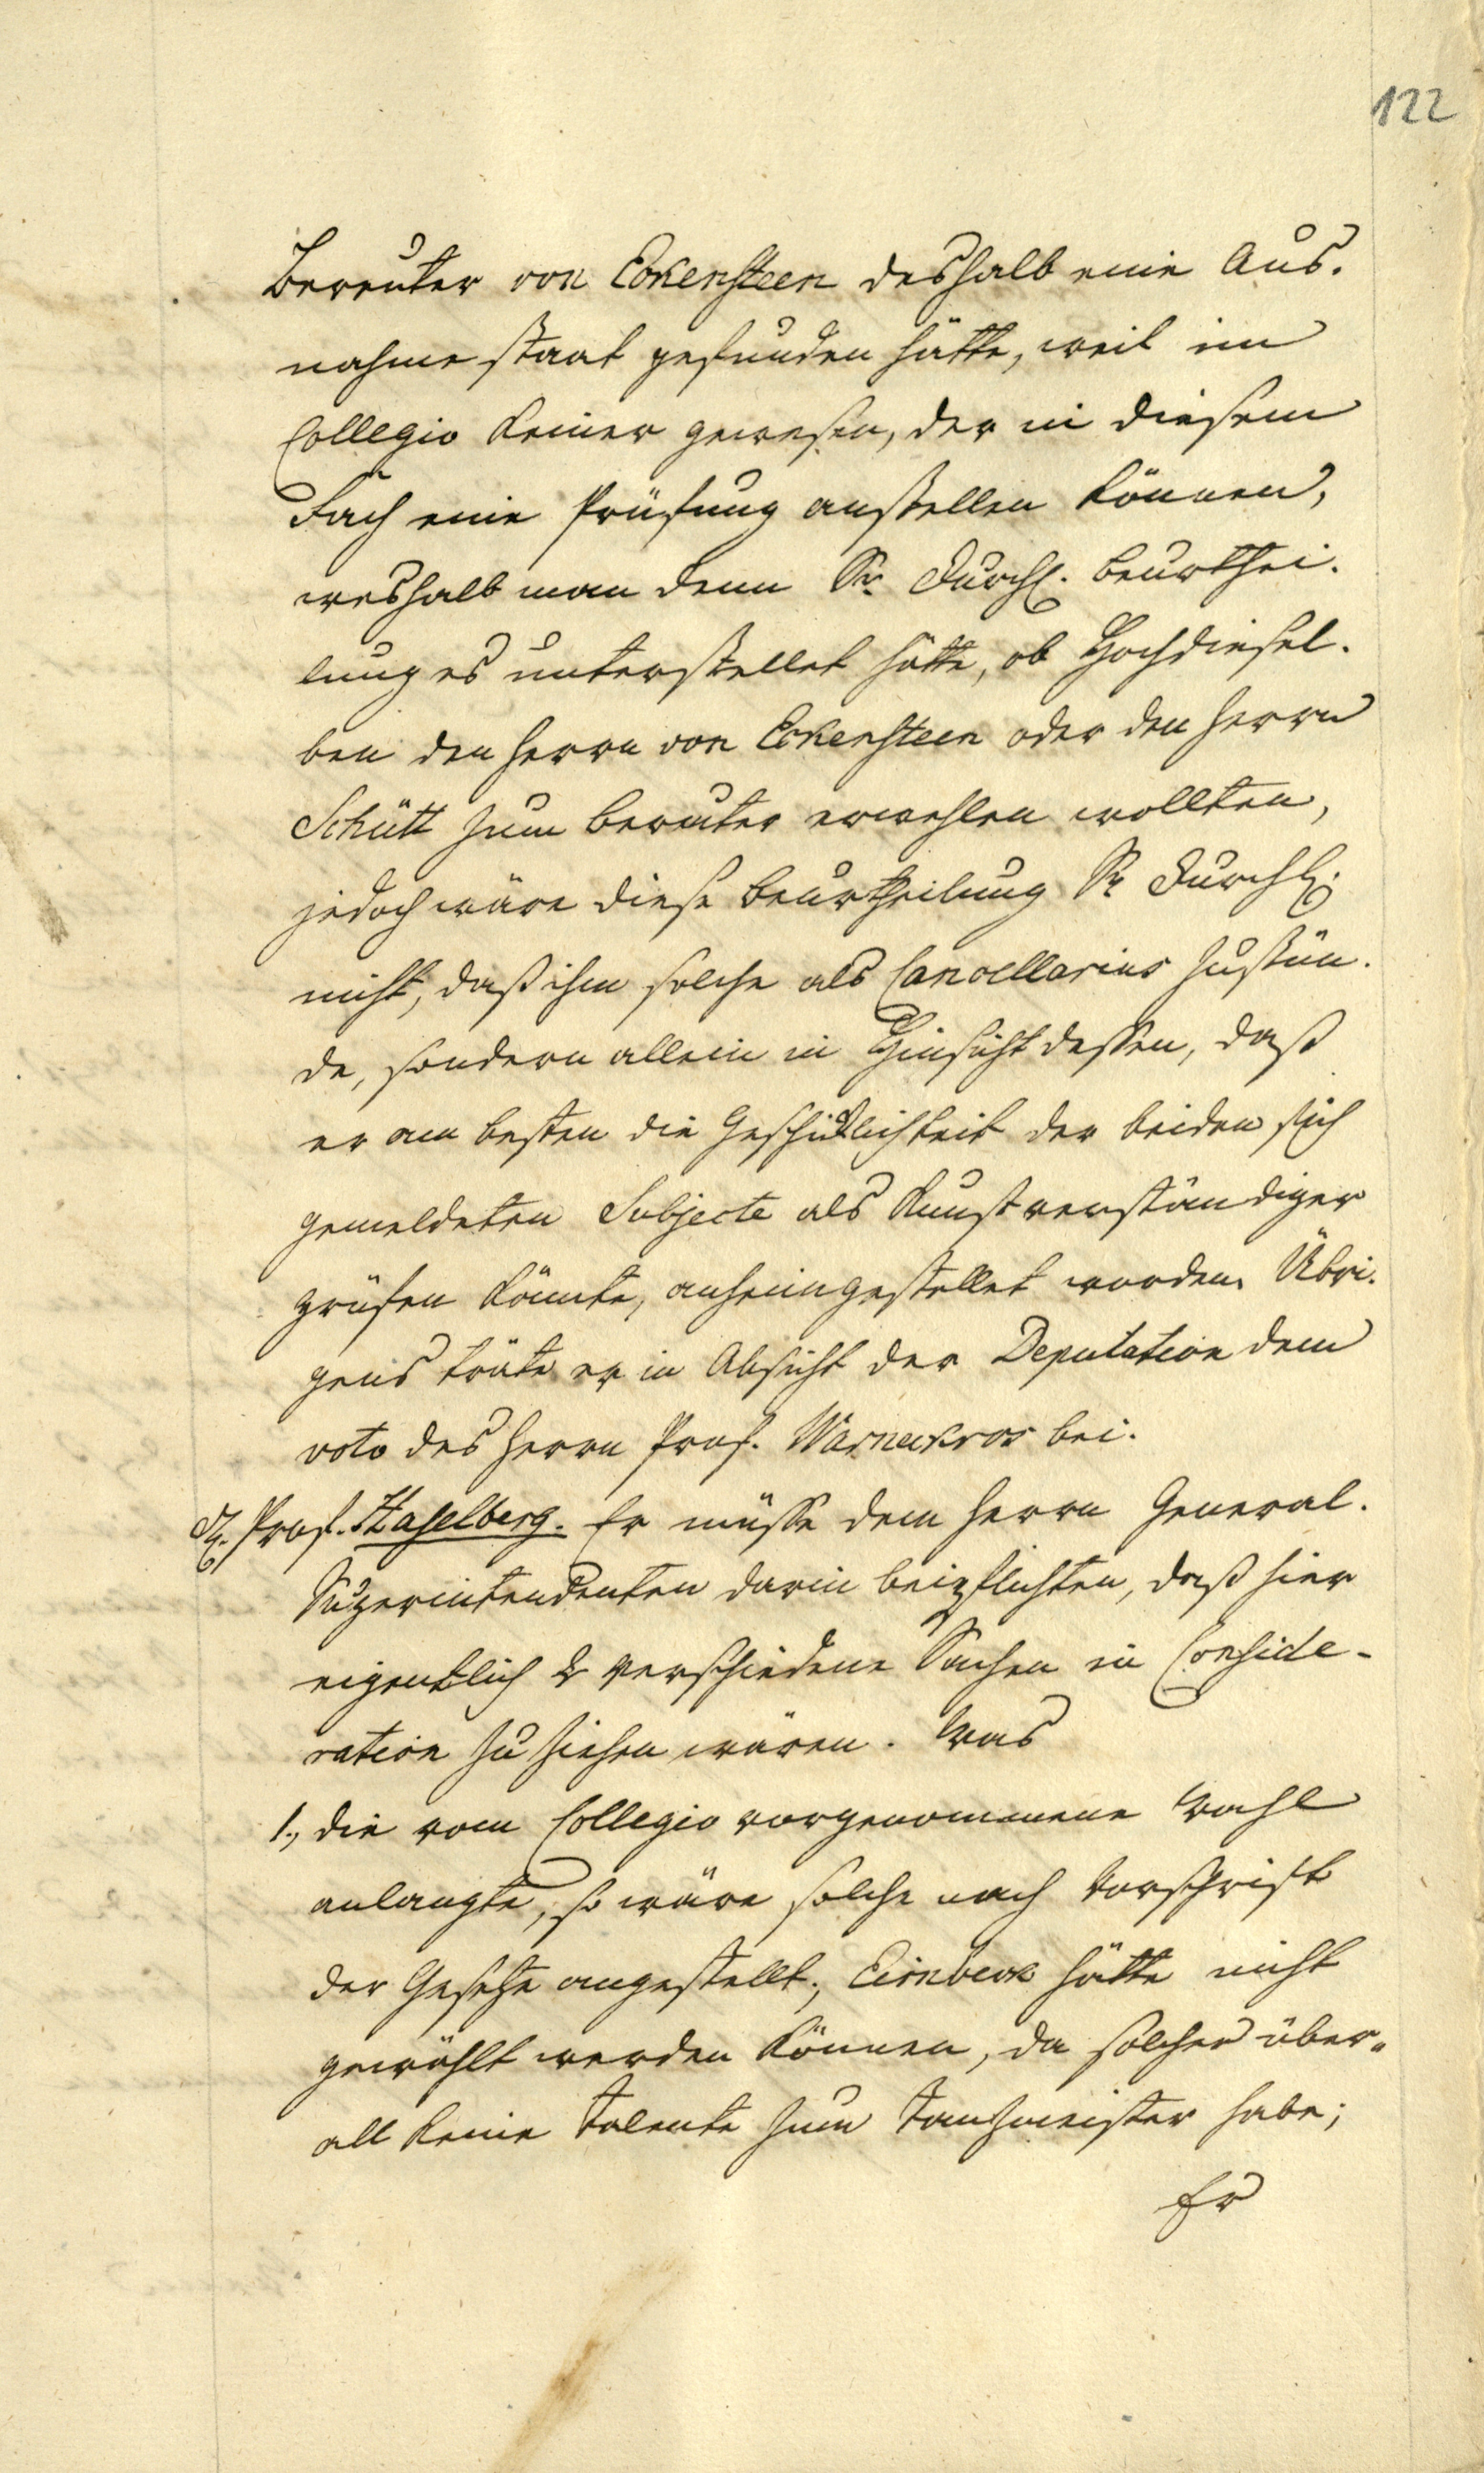Bereuter von Eckensteen deshalb eine Aus¬
nahme staat gefunden hätte, weil im
Collegio keiner gewesen, der in diesem
Fach eine Prüfung anstellen können,
weshalb man denn Sr Durchl. Beurthei¬
lung es unterstellet hätte, ob Hochdiesel¬
ben den Herrn von Eckensteen oder den Herrn
Schütt zum Bereuter erwehlen wollten,
jedoch wäre diese Beurtheilung Sr Durchl.
nicht, daß ihm solche als Cancellarius zustün¬
de, sondern allein in Hinsicht dessen, daß
er am besten die Geschicklichkeit der beiden sich
gemeldeten Subjecte als Kunst verständiger
prüfen könnte, anheimgestellet worden. Übri¬
gens träte er in Absicht der Deputation dem
voto des Herrn Prof. Warneckros bei.
dh. Prof. Haselberg. Er müsse dem Herrn General¬
Superintendenten darin beipflichten, daß hier
eigentlich 2 verschiedene Sachen in Conside-
ration zu ziehen wären. Was
1., die vom Collegio vorgenommene Wahl
anlangte, so wäre solche nach Vorschrift
der Gesetze angestellt. Eimbeck hätte nicht
gewählt werden können, da solcher über¬
all keine Talente zum Tanzmeister habe;
Er